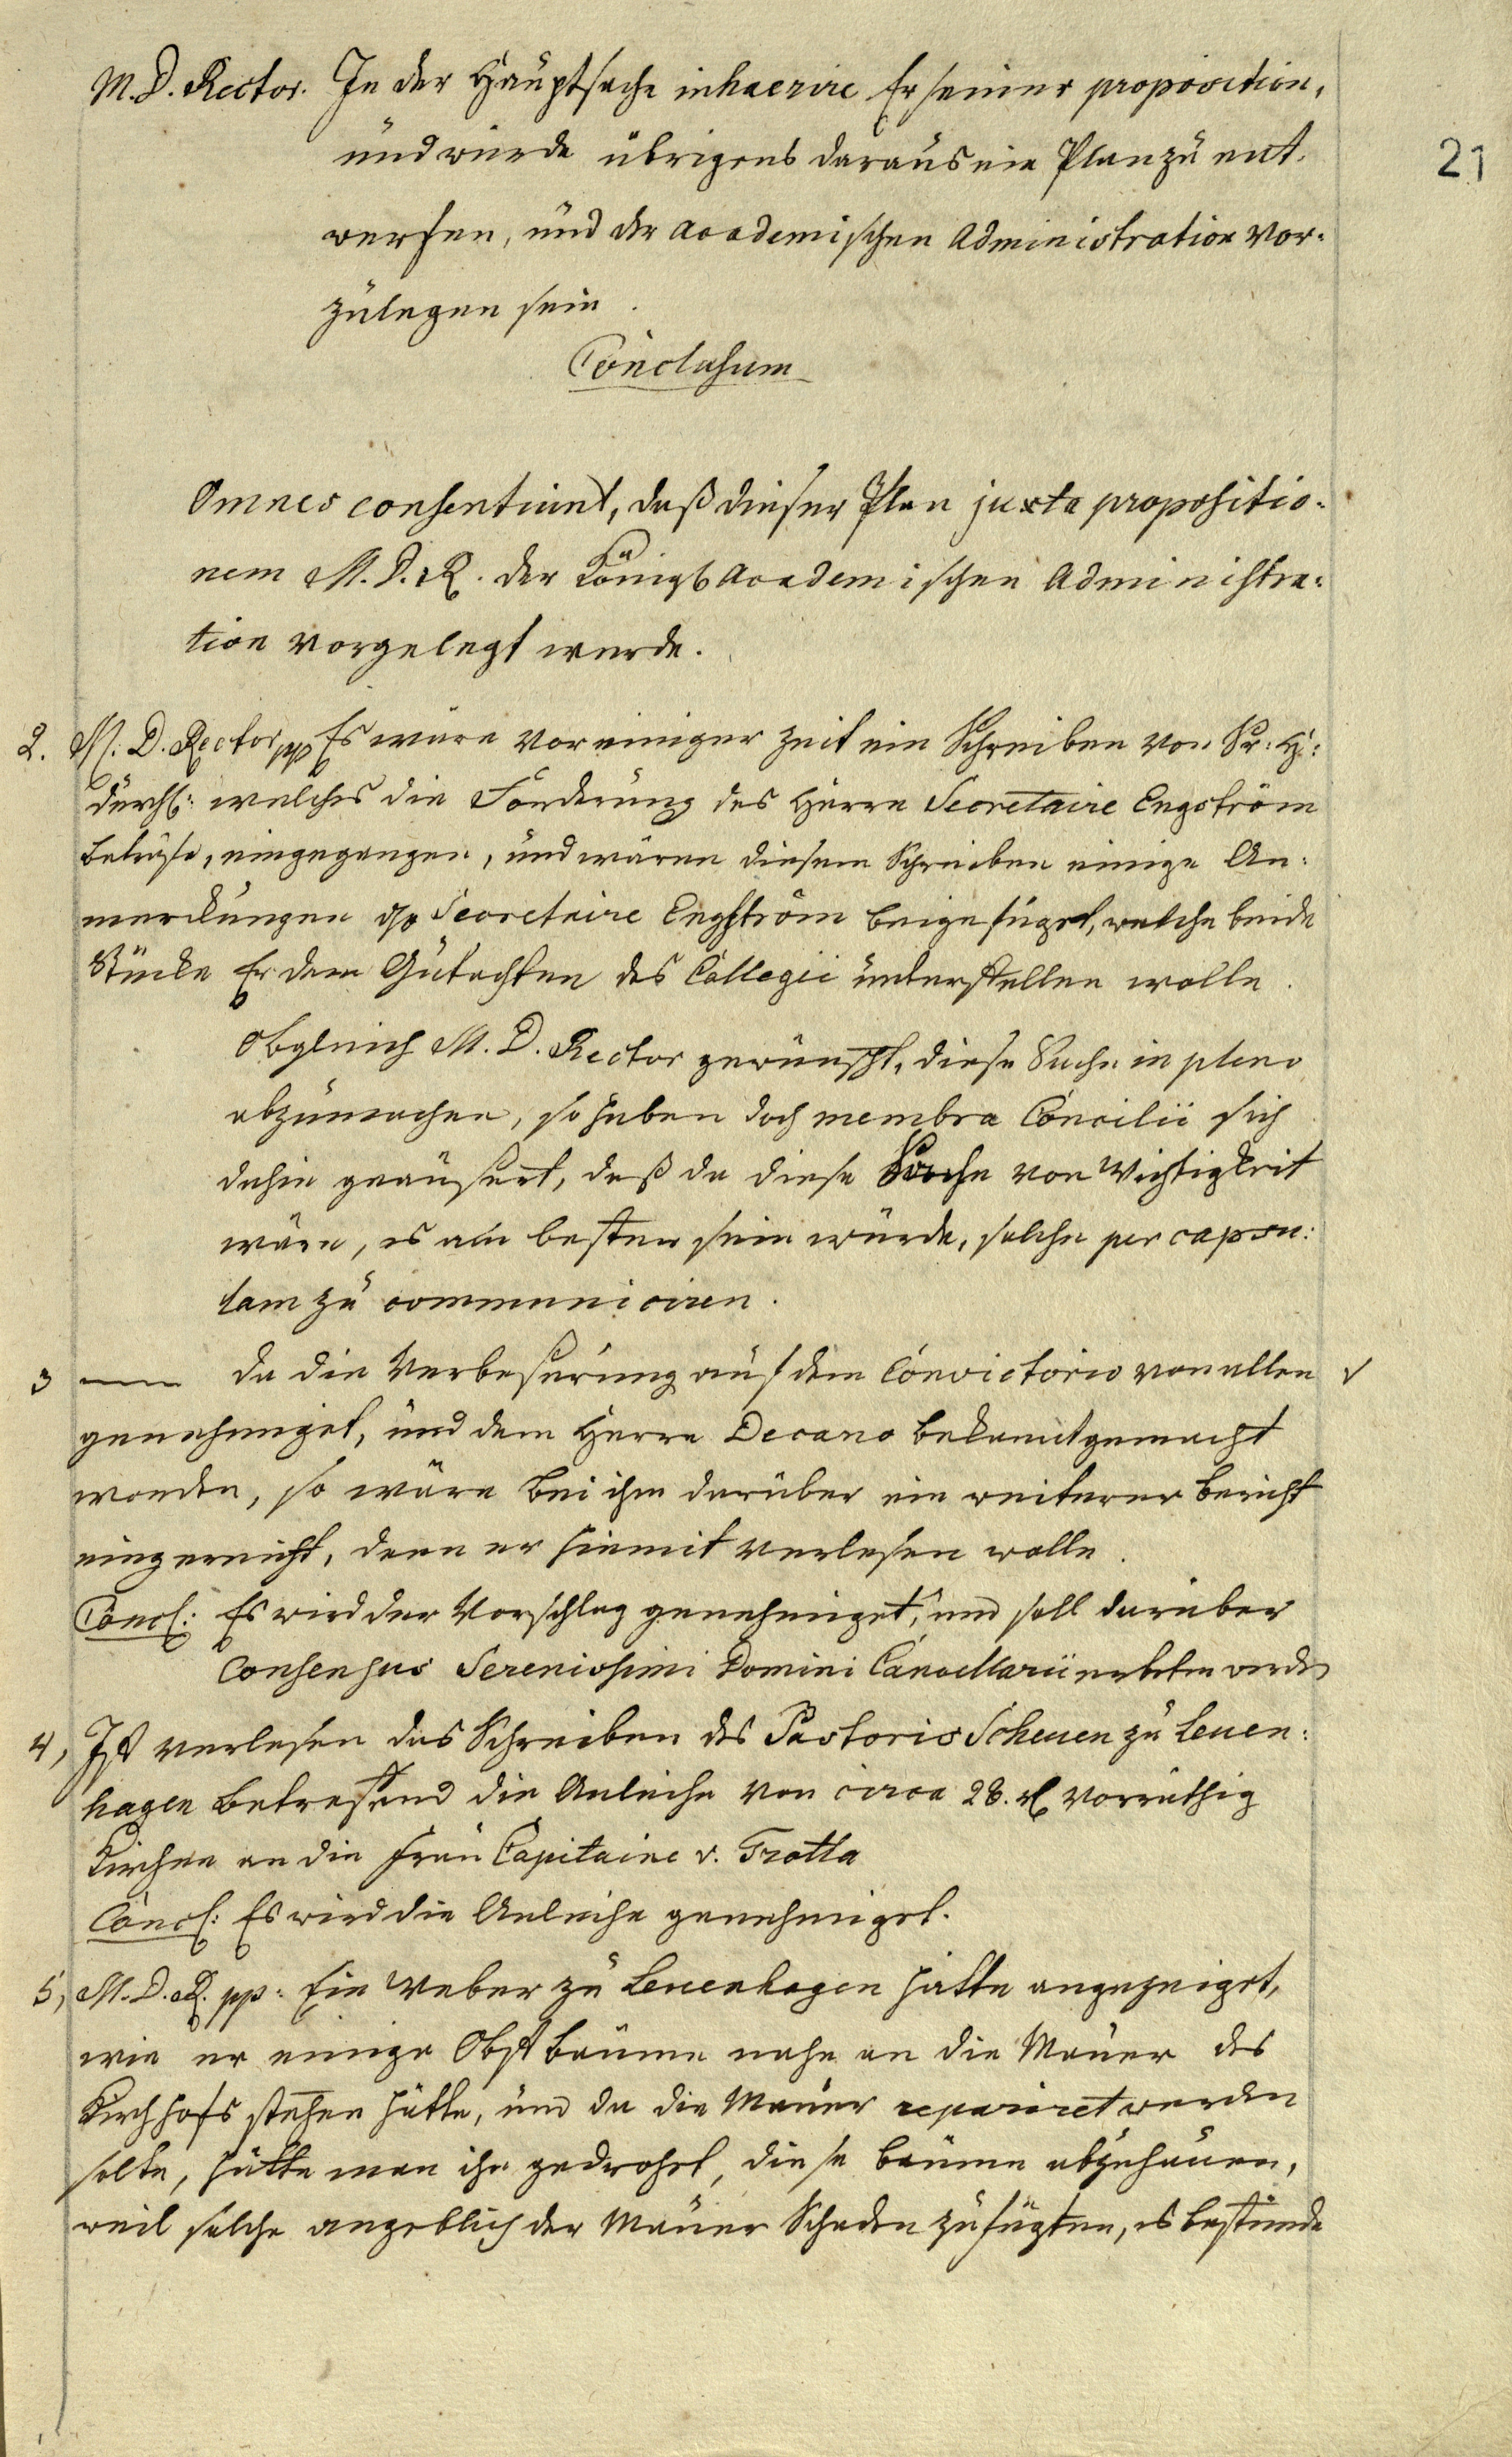M. D. Rector. In der Hauptsache inhaerire Er seiner proposition,
und würde übrigens daraus ein Plan zu ent¬
werfen, und der Academischen Administration vor¬
zulegen sein.
Conclusum
Omnes consentiunt, daß dieser Plan juxta propositio¬
nem M. D. R. der Königl. Academischen Administra¬
tion vorgelegt werde.
2. M. D. Rector pp. Es wäre vor einiger Zeit ein Schreiben von Sr H.
durchl welches die Forderung des Herrn Secretaire Engström
beträfe, eingegangen und wären diesem Schreiben einige An¬
merckungen dh Secretaire Engström beigefüget, welche beide
Stücke Er dem Gutachten des Collegii unterstellen wolle.
Obgleich M. D. Rector gewünscht, diese Sache in pleno
abzumachen, so haben doch membra Concilii sich
dahin geäußert, daß da diese Sache von Wichtigkeit
wäre, es am besten sein würde, solche per capsu¬
lam zu communiciren.
3. Da die Verbeßerung auf dem Convictorio von allen
genehmiget, und dem Herrn Decano bekannt gemacht
worden, so wäre bei ihm darüber ein weiterer Bericht
eingereicht, den n er hiemit verlesen wolle.
Concl. Es wird der Vorschlag genehmiget, und soll darüber
Consensus Serenissimi Domini Cancellarii erbeten werden.
4, Ist verlesen das Schreiben des Pastoris Scheven zu Leven¬
hagen betreffend die Anleihe von circa 28 rl. vorräthig
Kirchen an die Frau Capitaine v. Trotta.
Concl. Es wird die Anleihe genehmiget.
5, M. D. R. pp. Ein Weber zu Levenhagen hätte angezeiget,
wie er einige Obstbäume nahe an die Mauer des
Kirchhofs stehen hätte, und da die Mauer repariret werden
solte, hätte man ihn gedrohet, diese Bäume abzuhauen,
weil solche angeblich der Mauer Schaden zufügten, es bestünde